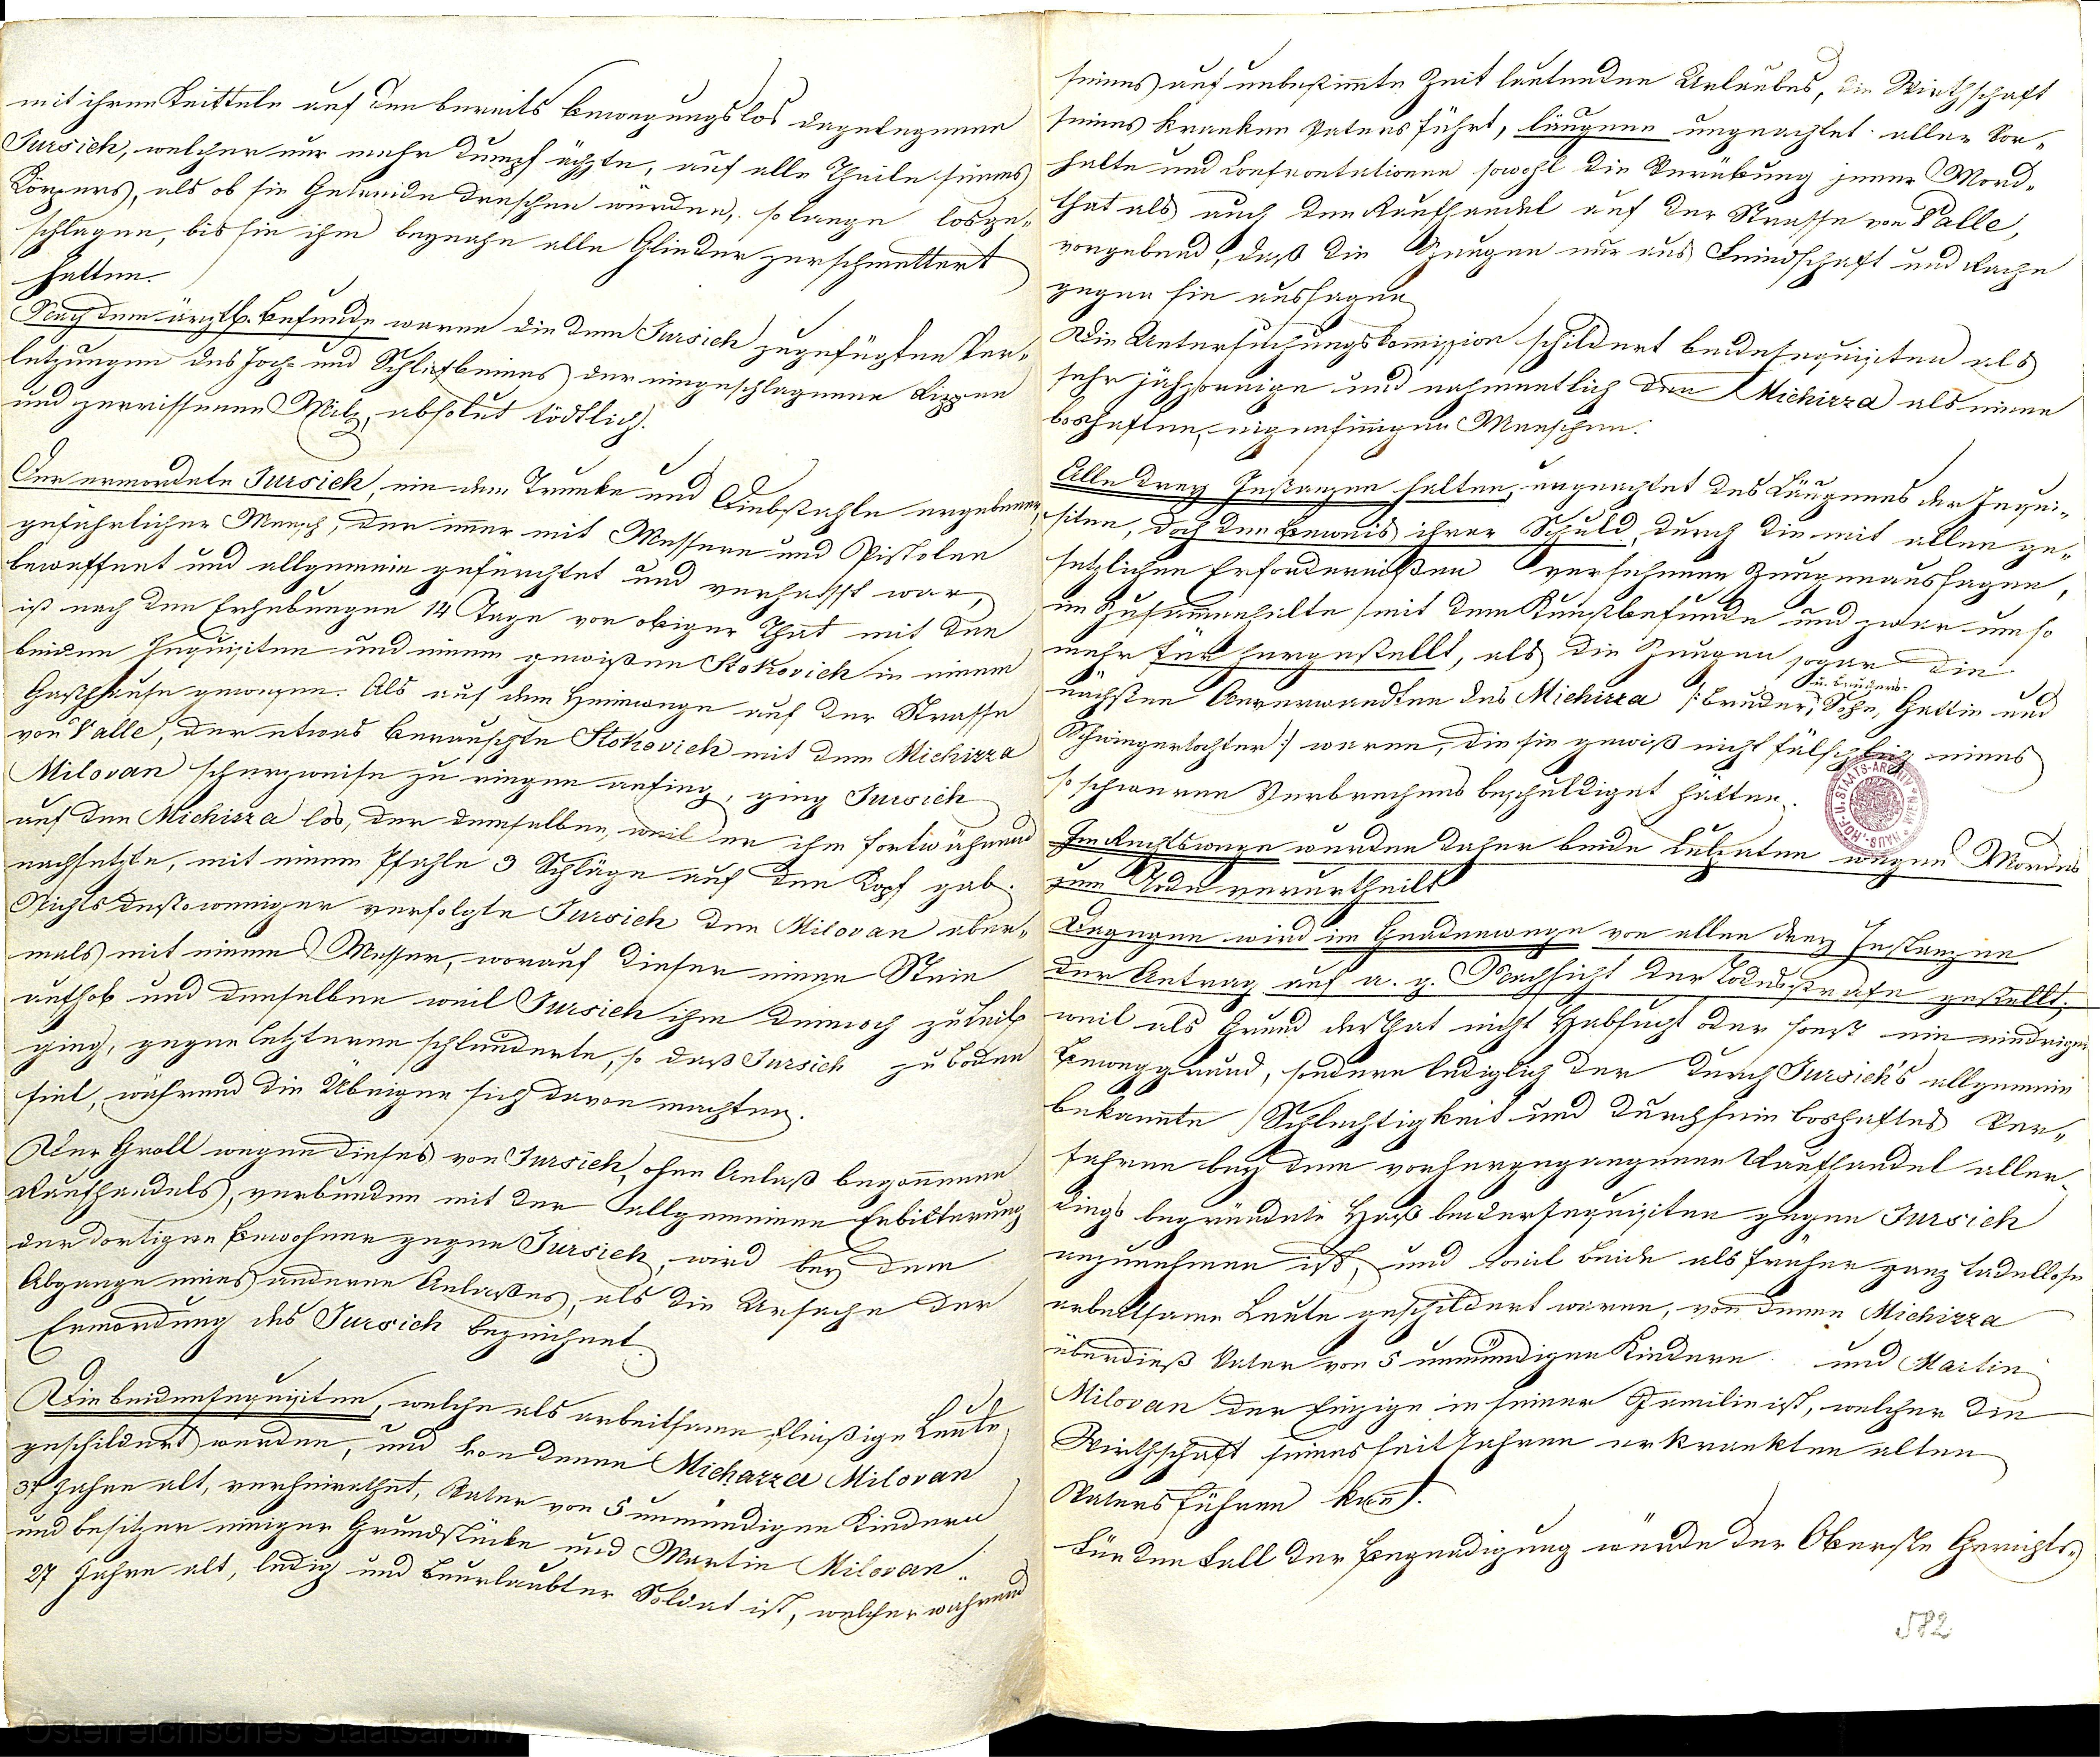mit ihren Knitteln auf den bereits bewegungslos dagelegenen
Jursich, welcher nur mehr dumpf ächzte, auf alle Theile seines
Körpers, als ob sie Getreide dreschen würden, so lange losge¬
schlagen, bis sie ihm beynahe alle Glieder zur schmettert
hatten.
Nach dem ärztl. Befunde waren die dem Jursich zugefügten Ver¬
letzungen des Joch- und Schlafbeines der eingeschlagenen Rippen
und zerrissenen Milz, absolut tödlich.
Der ermordete Jursich, ein dem Trunk und Diebstahle ergebenen
gefährlicher Mensch, der immer mit Messern und Pistolen
bewaffnet und allgemein gefürchtet und verhasst war,
ist nach dem Erhebungen 14 Tage vor obiger That mit den
beiden Inquisiten und einem gewißen Stokovich in einem
Gasthause gewesen. Als auf dem Heimwege auf der Strasse
von Valle, der etwas berauschte Stokovich mit dem Michizza
Milovan scherzweise zu ringen anfing, ging Jursich
auf den Michizza los, der demselben, weil er ihm fortwährend
nachsetzte, mit einem Pfahle 3 Schläge auf den Kopf gab.
Nichts desto weniger verfolgte Jursich den Milovan aber¬
mals mit einem Messer worauf dieser einen Stein
aufhob und denselben weil Jursich ihm demnoch zu Leib¬
ging, gegen letzteren schleuderte, so daß Jursich zu Boden
fiel, während die Übrigen sich davon machten.
Der Groll wegen dieses von Jursich, ohne Anlaß begonnen
Raufhandels, verbunden mit der allgemeinen Erbitterung
der dortigen Bewohner gegen Jursich, wird bey dem
Abgange eines anderen Anlaßes, als die Ursache der
Ermordung des Jursich bezeichnet.
Die beiden Inquisiten, welche als arbeitsame fleißige Leute
geschildert werden, und von denen Michazza Milovan
37 Jahre alt, verheirathet, Vater von 5 unmündigen Kindern
und Besitzer einiger Grundstücke und Martin Milovan
27 Jahre alt, ledig und Beurlaubter Soldat ist, welcher während
seines auf unbestimmte Zeit lautenden Urlaubes, die Wirthschaft
seines kranken Vaters führt, läugnen ungeachtet aller Vor¬
halte und Confrontationen sowohl die Verübung jener Mord¬
that als auch den Raufhandel auf der Strasse von Valle
vorgebend, daß die Zeugen nur aus Feidnschaft und Rache
gegen sie aussagen.
Die Untersuchungskommission schildern beide Inquisiten als
sehr jähzornige und nahmentlich den Michizza als einen
boshaften, eigensinnigen Menschen.
Alle Krey Inßengen halten, ungnagte des Läugnes der Inqui¬
siten, doch den Beweis ihrer Schuld, durch die mit allen ge¬
setzlichen Erfordernißen versehenen Zeugenaussagen,
im zusammenhalte mit dem Kunstbefunde und zwar um so
mehr für zugestellt, als die Zeugen sogar die
u. bruders
nächßen Anverwandten das Michirra /:Bruder, Sohn, Gattein und
Schwiegertochter:/ waren, die sie gewiß nicht fälschlich eines
so schweren Verbrechens beschuldiget hätter.
Im Anchtswege wurden daher beide Lelzaten wegen Mondes
zum Andewerurtheilt
Dagegen wird im Gnadenwege von allen dez Instanzen
der Antrag auf a. g. Nachsicht der Todesstrafe geßellt;
weil als Grund der hat nicht Habsucht der sonst ein eindringe
Beweggrund, sondern lediglich der durch Jursich's allgemein
bekannte Schlechtigkeit und durch sein boshaftes Ver¬
fahren bey dem vorhergegangener Raufhandel aller¬
dings begründete Hauß beider Inquisiten gegen Jursich
anzunehmen ist, und weil beide als früher ganz tadellose
arbeitsame Leute geschildert waren, von denen Michizza
überdieß Vater von 5 unmündiger Kindern und Martin
Milovan der Einzige in seiner Familie ist, welcher die
Wirtschaft seines seit Jahren er krankten alten
Raters führen kann.
Für den Fall der Begnadigung würde der Oberste Gerichts¬
582